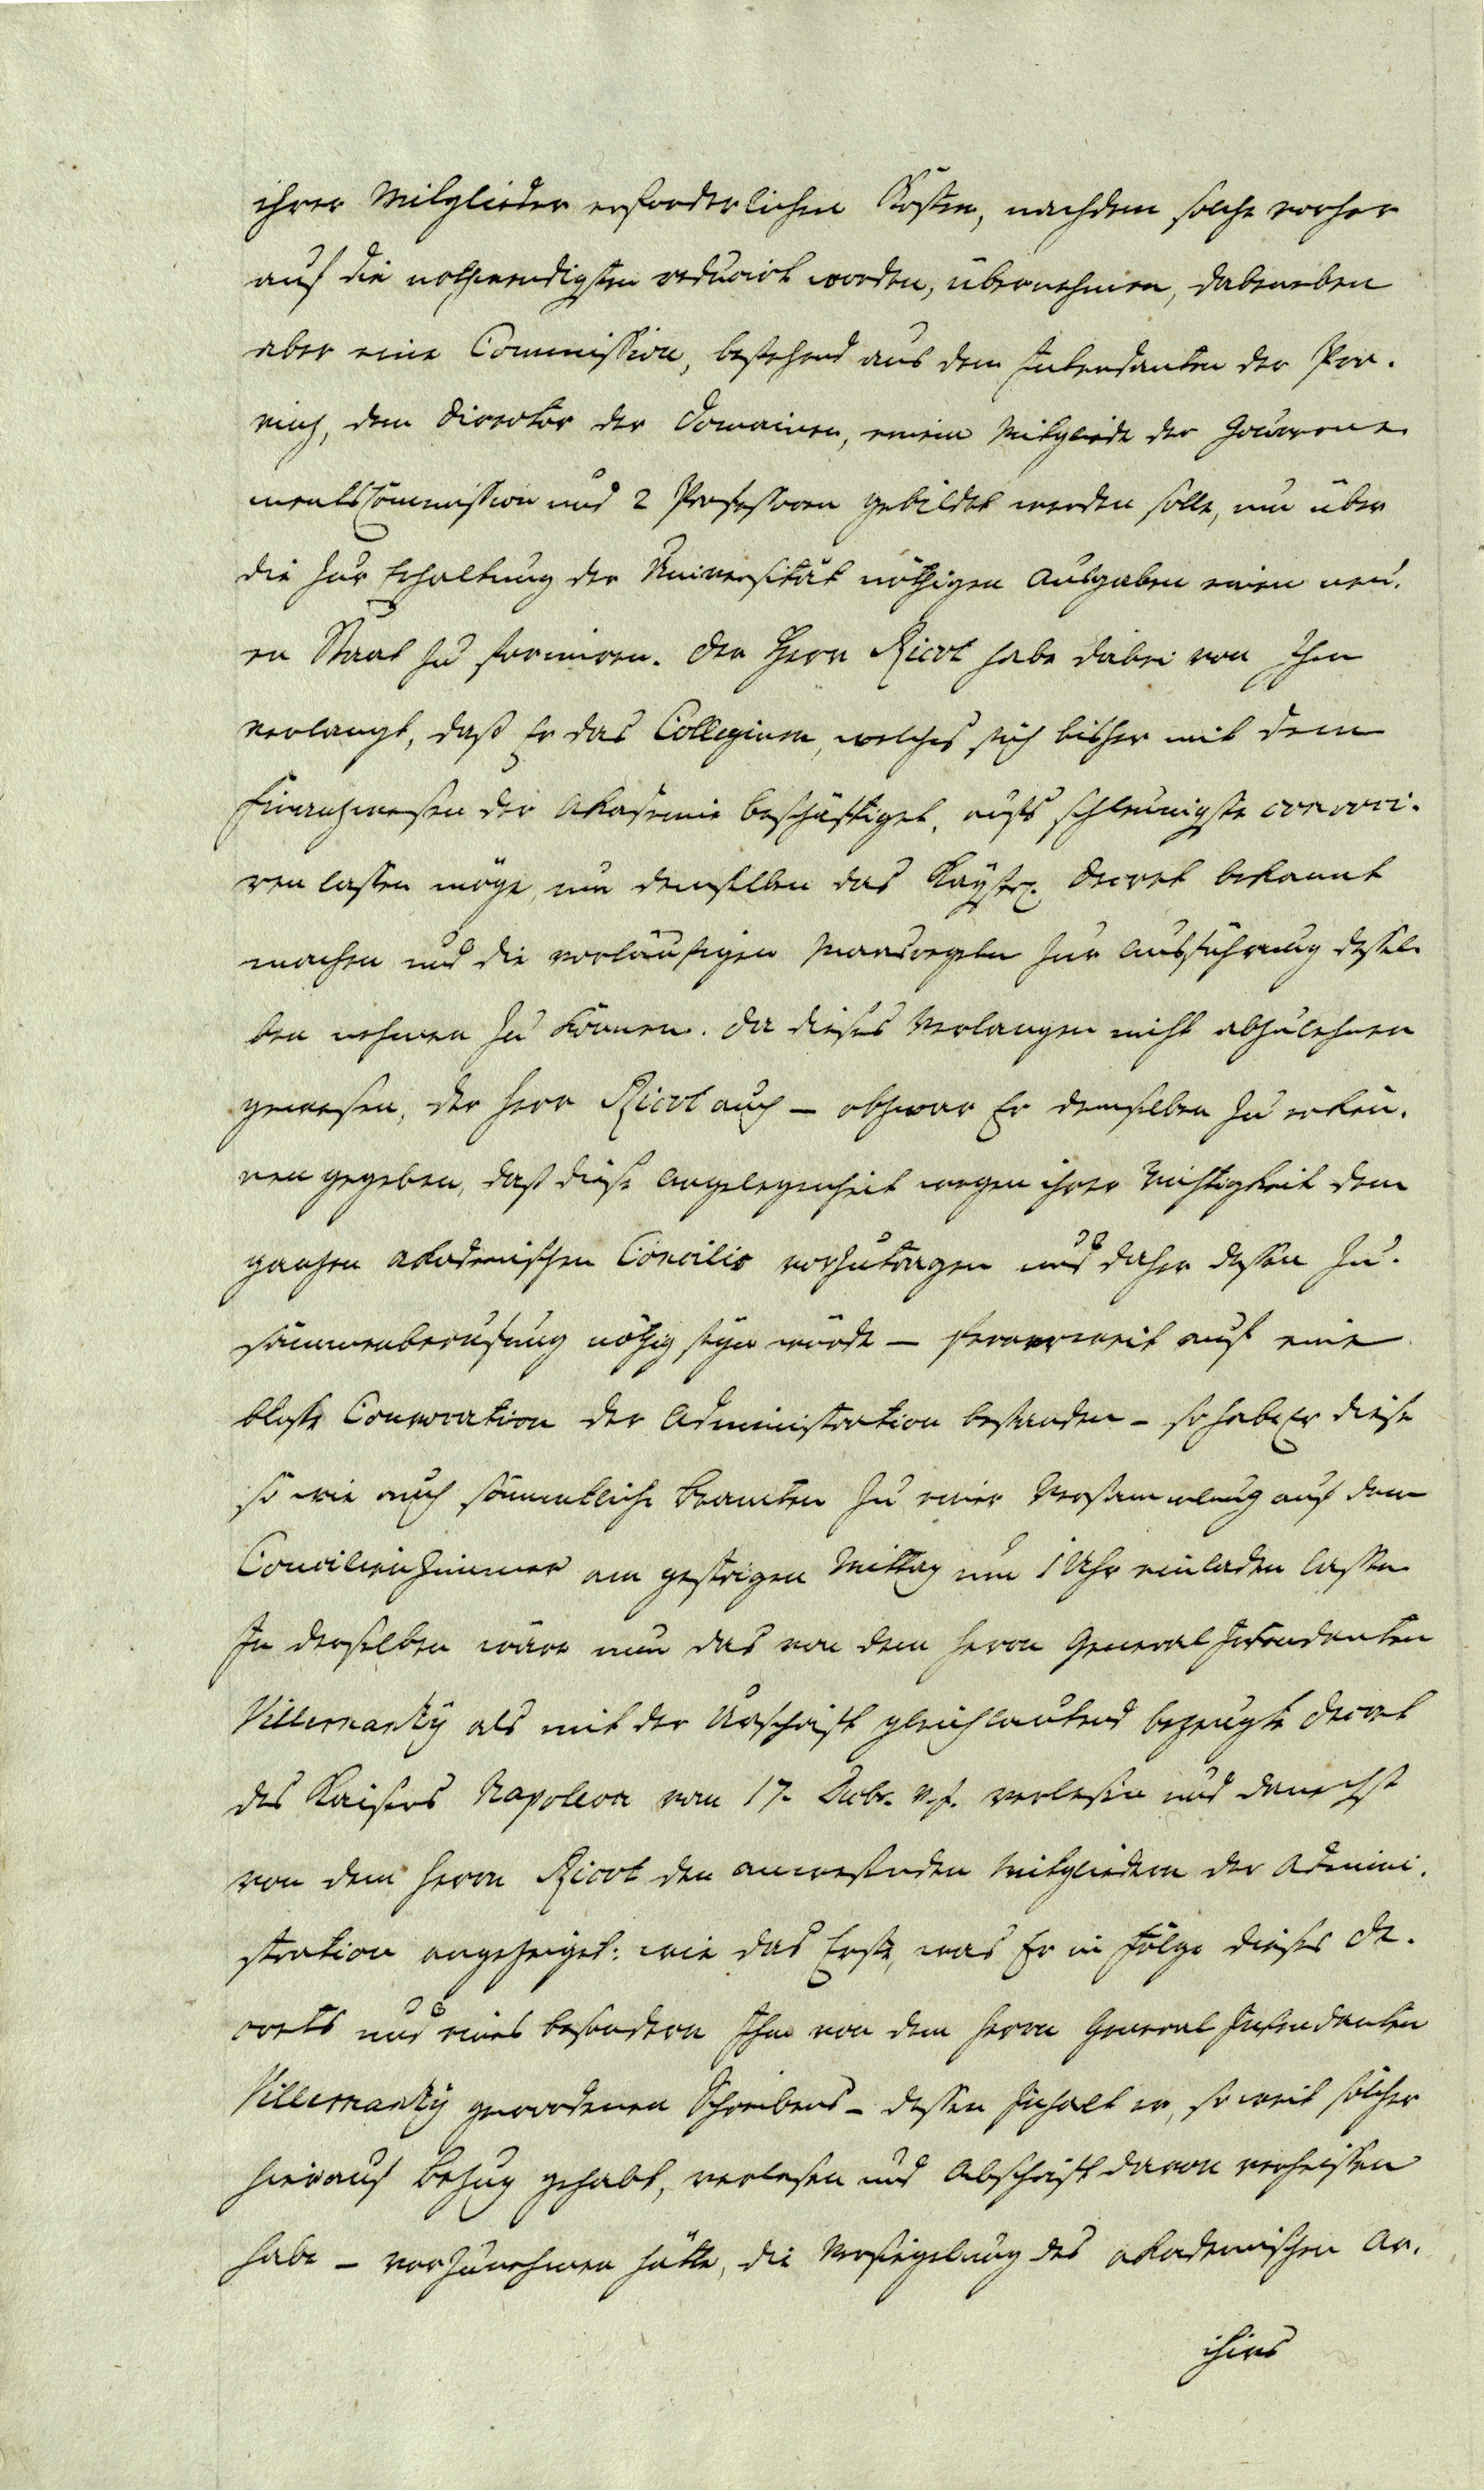ihrer Mitglieder erforderlichen Kosten, nachdem solche vorher
auf die nothwendigsten reducirt worden, übernehmen, dabeneben
aber eine Commission, bestehend aus dem Intendanten der Pro¬
vinz, dem Director der Domainen, einem Mitgliede der Gouverne¬
mentsCommission und 2 Professoren gebildet werden solle, um über
die zur Erhaltung der Universität nöthigen Ausgaben einen neu¬
en Staat zu formiren. Der Herr Ricot habe dabei von Ihm
verlangt, daß Er das Collegium, welches sich bisher mit dem
Finanzwesen der Akademie beschäftiget, aufs schleunigste convoci¬
ren lassen möge, um demselben das Kaÿser. Decret bekannt
machen und die vorläufigen Maasregeln zur Ausführung dessel¬
ben nehmen zu können. Da dieses Verlangen nicht abzulehnen
gewesen, der Herr Ricot auch obzwar Er demselben zu erken¬
nen gegeben, daß diese Angelegenheit wegen ihrer Wichtigkeit dem
ganzen Akademischen Concilio vorzutragen und daher dessen Zu¬
sammenberufung nöthig seÿn würde fernerweit auf eine
blosse Convocation der Administration bestanden so habe Er diese
so wie auch sämmtliche Beamten zu einer Versammlung auf dem
Concilienzimmer am gestrigen Mittag um 1 Uhr einladen lassen.
In derselben wäre nun das von dem Herrn Generalintendanten
Villemanzÿ als mit der Urschrift gleichlautend bezeugte decret
des Kaisers Napoleon vom 17. Decbr. v. J. verlesen und danechst
von dem Herrn Ricot den anwesenden Mitgliedern der Admini¬
stration angezeiget: wie das Erste, was Er in Folge dieses de¬
crets und eines besondern Ihm von dem Herrn GeneralIntendanten
Villemanzÿ gewordenen Schreibens dessen Inhalt er, so weit solcher
hierauf Bezug gehabt, verlesen und Abschrift davon verheissen
habe vorzunehmen hätte, die Versiegelung des akademischen Ar¬
chivs